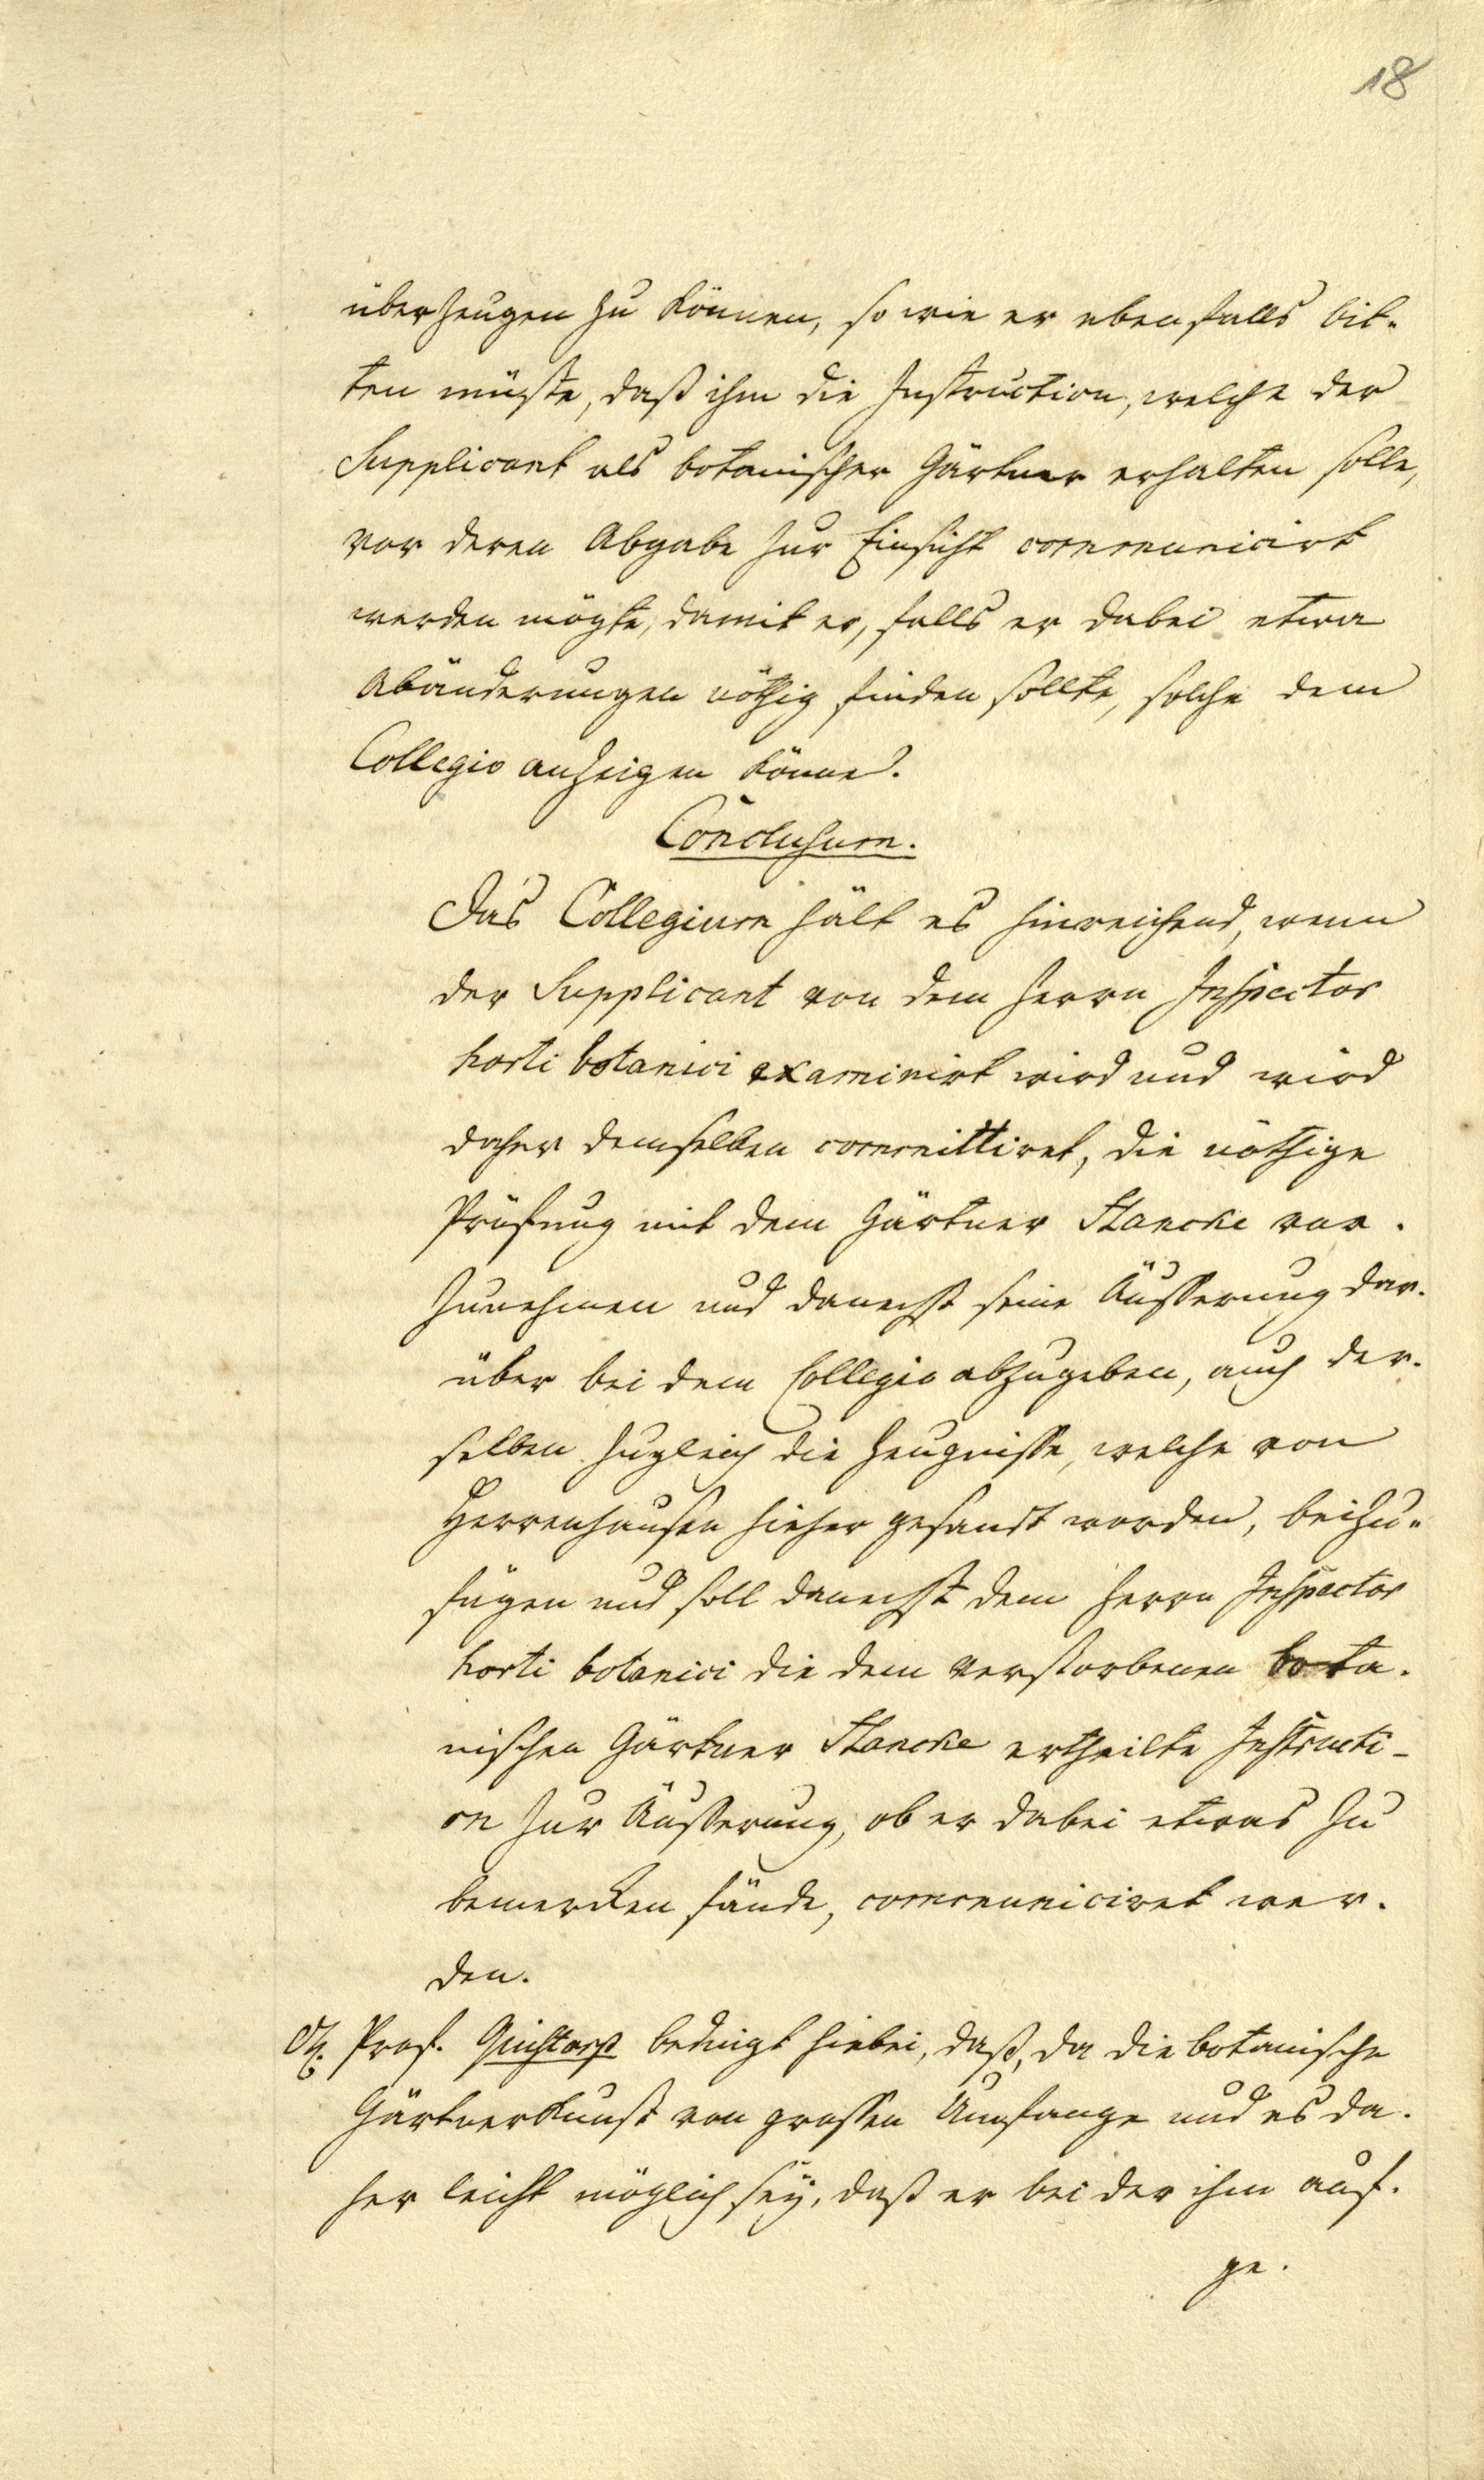überzeugen zu können, sowie er ebenfalls bit¬
ten müste, daß ihm die Instruction, welche der
Supplicant als botanischer Gärtner erhalten solle,
vor deren Abgabe zur Einsicht communicirt
werden mögte, damit es, falls er dabei etwa
Abänderungen nöthig finden sollte, solche dem
Collegio anzeigen könne.
Conclusum
Das Collegium hält es hinreichend, wenn
der Supplicant von dem herrn Inspector
horti botanici examinirt wird und wird
daher demselben committiret, die nöthige
Prüfung mit dem Gärtner Hancke vor¬
zunehmen und danechst seine Äusserung dar¬
über bei dem Collegio abzugeben, auch der¬
selben zugleich die Zeugnisse, welche von
Herrenhausen hieher gesandt worden, beizu¬
fügen und soll danechst dem herrn Inspector
horti botanici die dem verstorbenen bota¬
nischen Gärtner Hancke ertheilte Instructi¬
on zur Äusserung, ob er dabei etwas zu
bemercken fände, communiciret wer¬
den.
dh. Prof. Quistorp bedingt hiebei, daß, da die botanische
GärtnerKunst von grossen Umfange und es da¬
her leicht möglich seÿ, daß er bei der ihm auf¬
ge